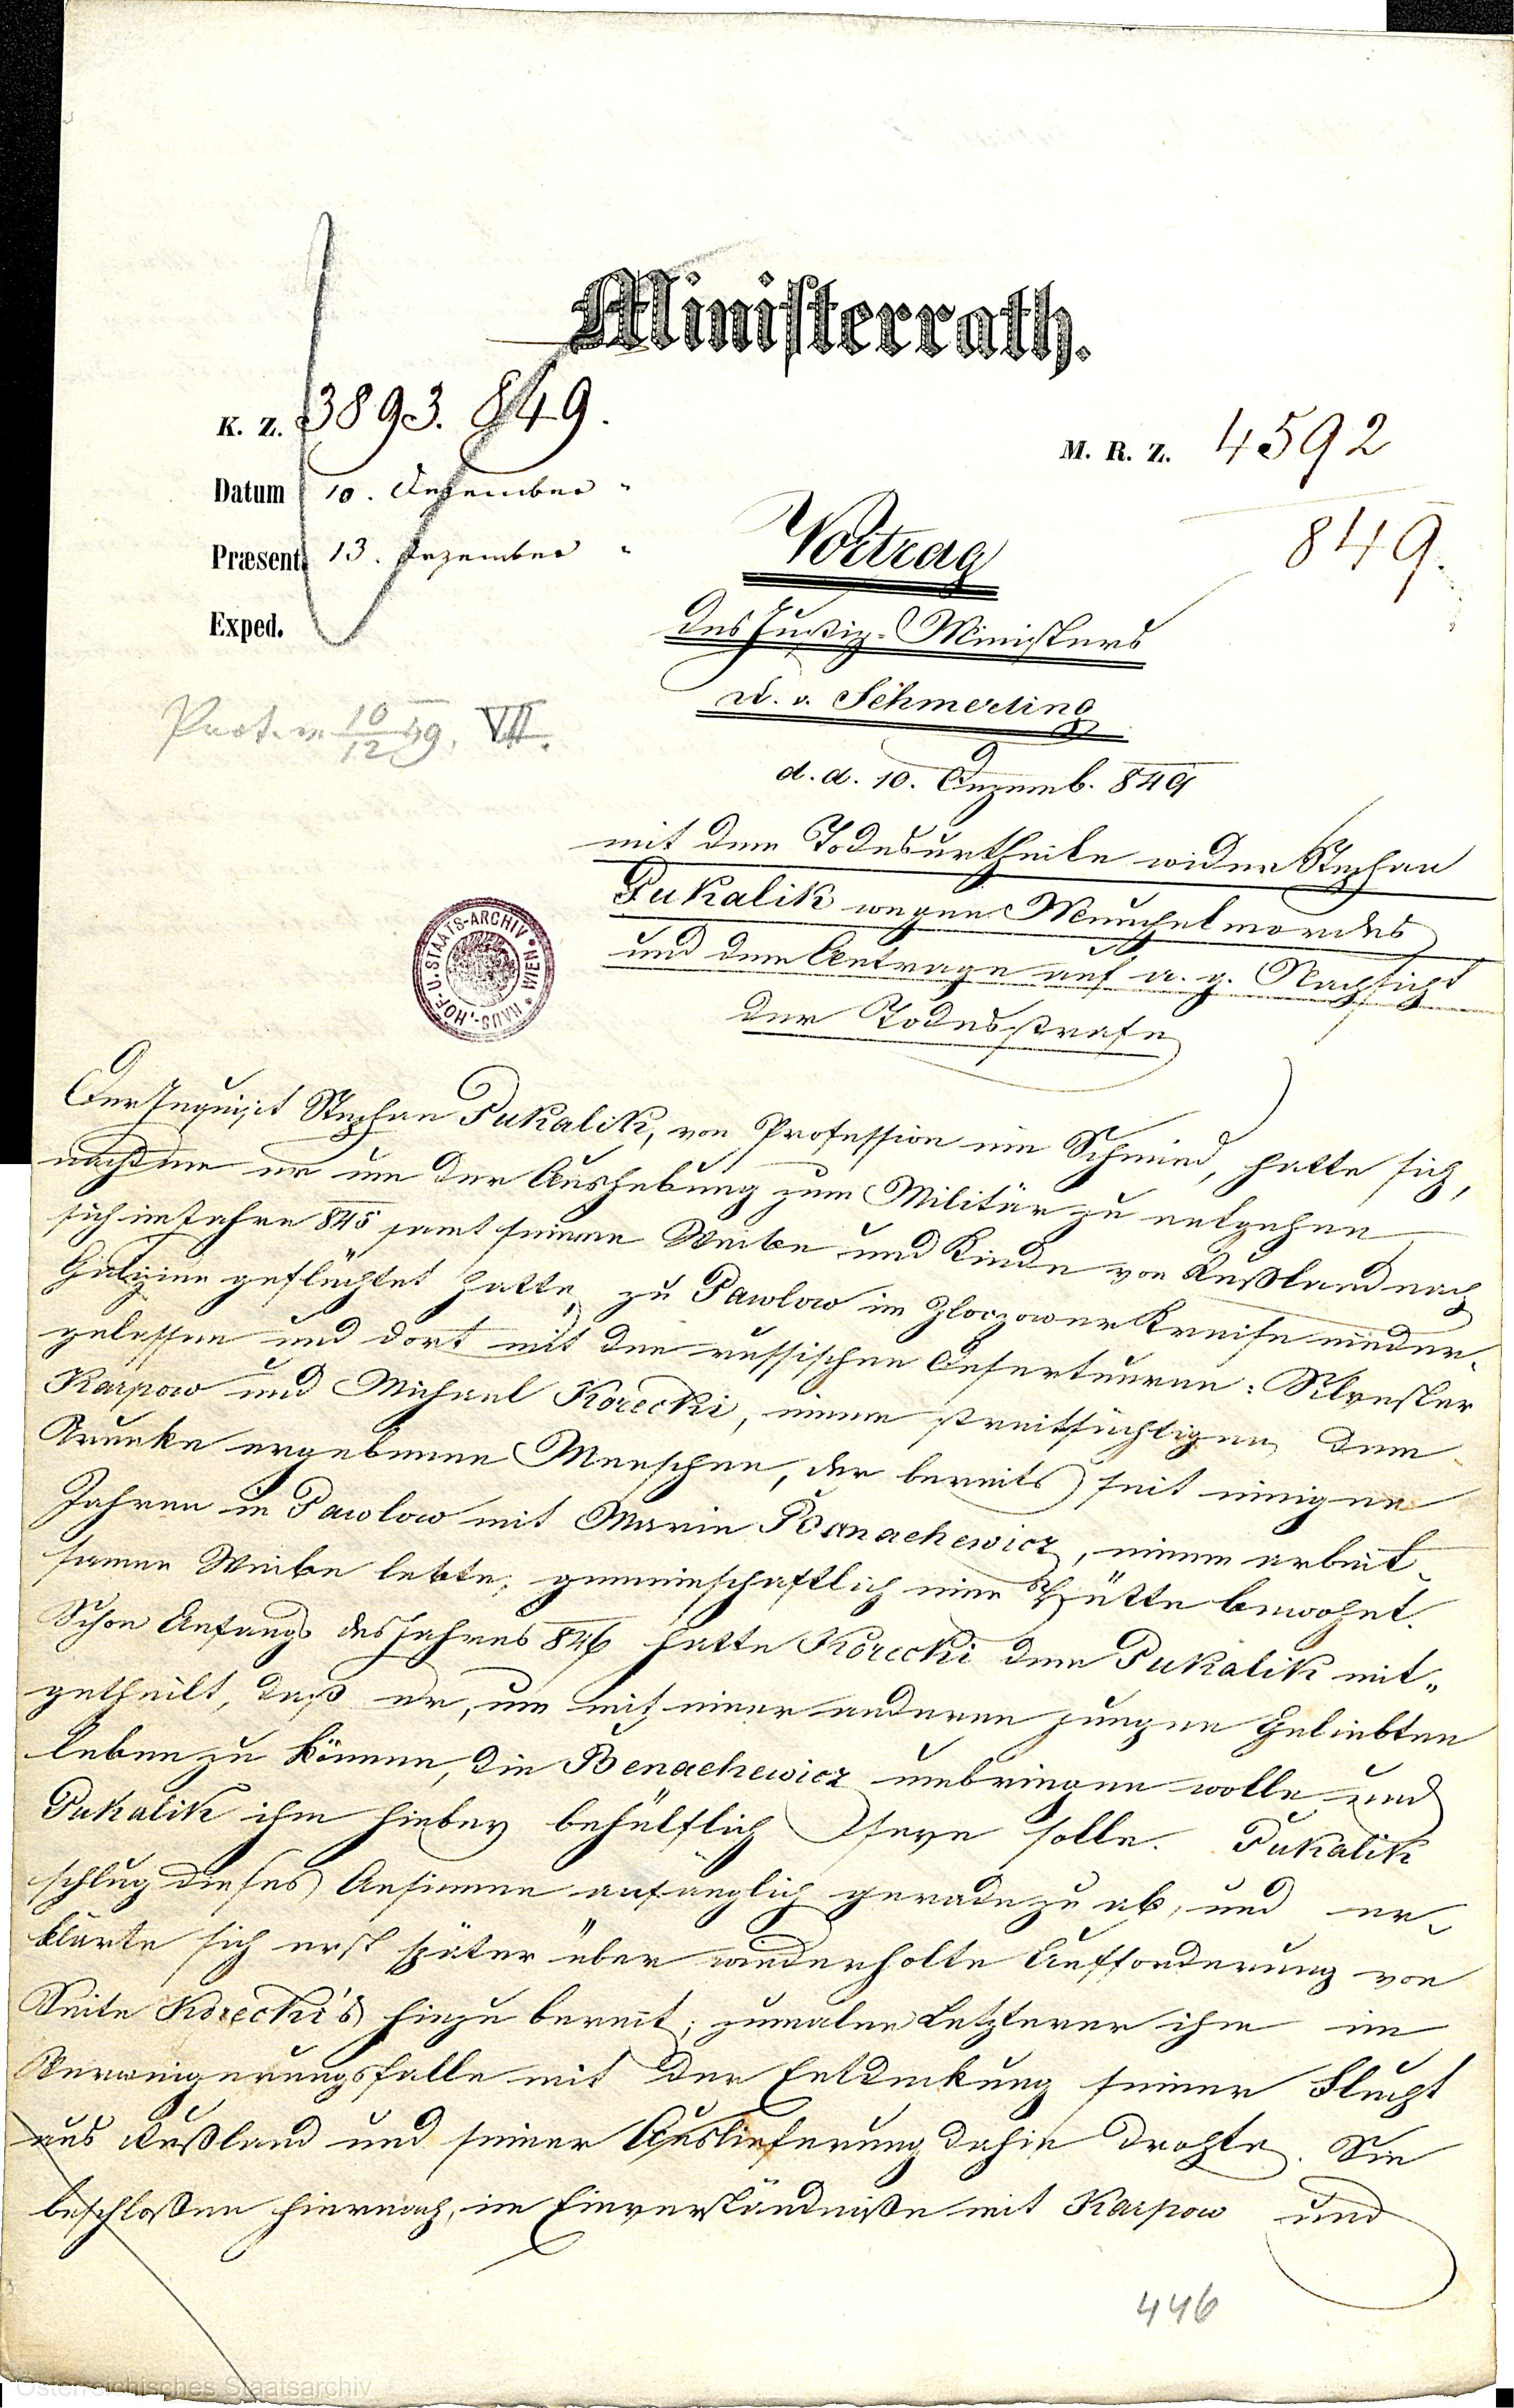Ministerrath.
K. Z. 3893. 849.
Datum 10. Dezember 849
Præsent. 13. Dezember 849
Exped.
M. R. Z. 4592
849
Prot. v. 10/12 49 VII.
VORTRAG
des Justiz=Ministers
R. v. Schmerling
d. d. 10. Dezemb. 849
mit dem Todesurtheile wider Stephan
Pukalik wegen Meuchelmordes
und dem Antrage auf a. g. Nachsicht
der Todesstrafe
Der Jnquisit Stephan Pukalik, von Profession ein Schmied, hatte sich,
nach dem xx um der Aushebung zum Militär zu entgehen,
sich im Jahre 845 samt seinem Weibe und Kinde von Rußland nach
Gaxx geflüchtet hatte, zu Pawlow im xx Kreise nieder¬
gelassen und dort mit den russischen Deserteuren: Kloester
Karpow und Michael Korecki, einem streitsüchtigen dem
xx ergebenen Menschen, der bereits seit einigen
Jahren in Pawlow mit Marie Posmachewicz, einem arbeit¬
samer Weibe lebte, gemeinschaftlich eine Hütte bewohnt.
Schon Anfangs des Jahres 846 hatte Korecki dem Pukalik mit¬
getheilt, daß er, um mit einer anderen Jungen Geliebten
leen zu können, die Benachewicz umbringen wolle und
Pukalik ihm hiebey behülflich seve solle. Pukalik
schlug dieses Aesimme anfänglich gerade zu ab, und er¬
klärte sich erst später über wiederholte Aufforderung von
Seite Korecki's hiezu bereit; zumalen Letzterer ihm im
Verweigerungsfalle mit der Entdeckung seiner Flucht
aus Ausland und seiner Auslieferung dahin Drohte. Sie
beschloßen hiernach, im Einverständniße mit Karpow und
446